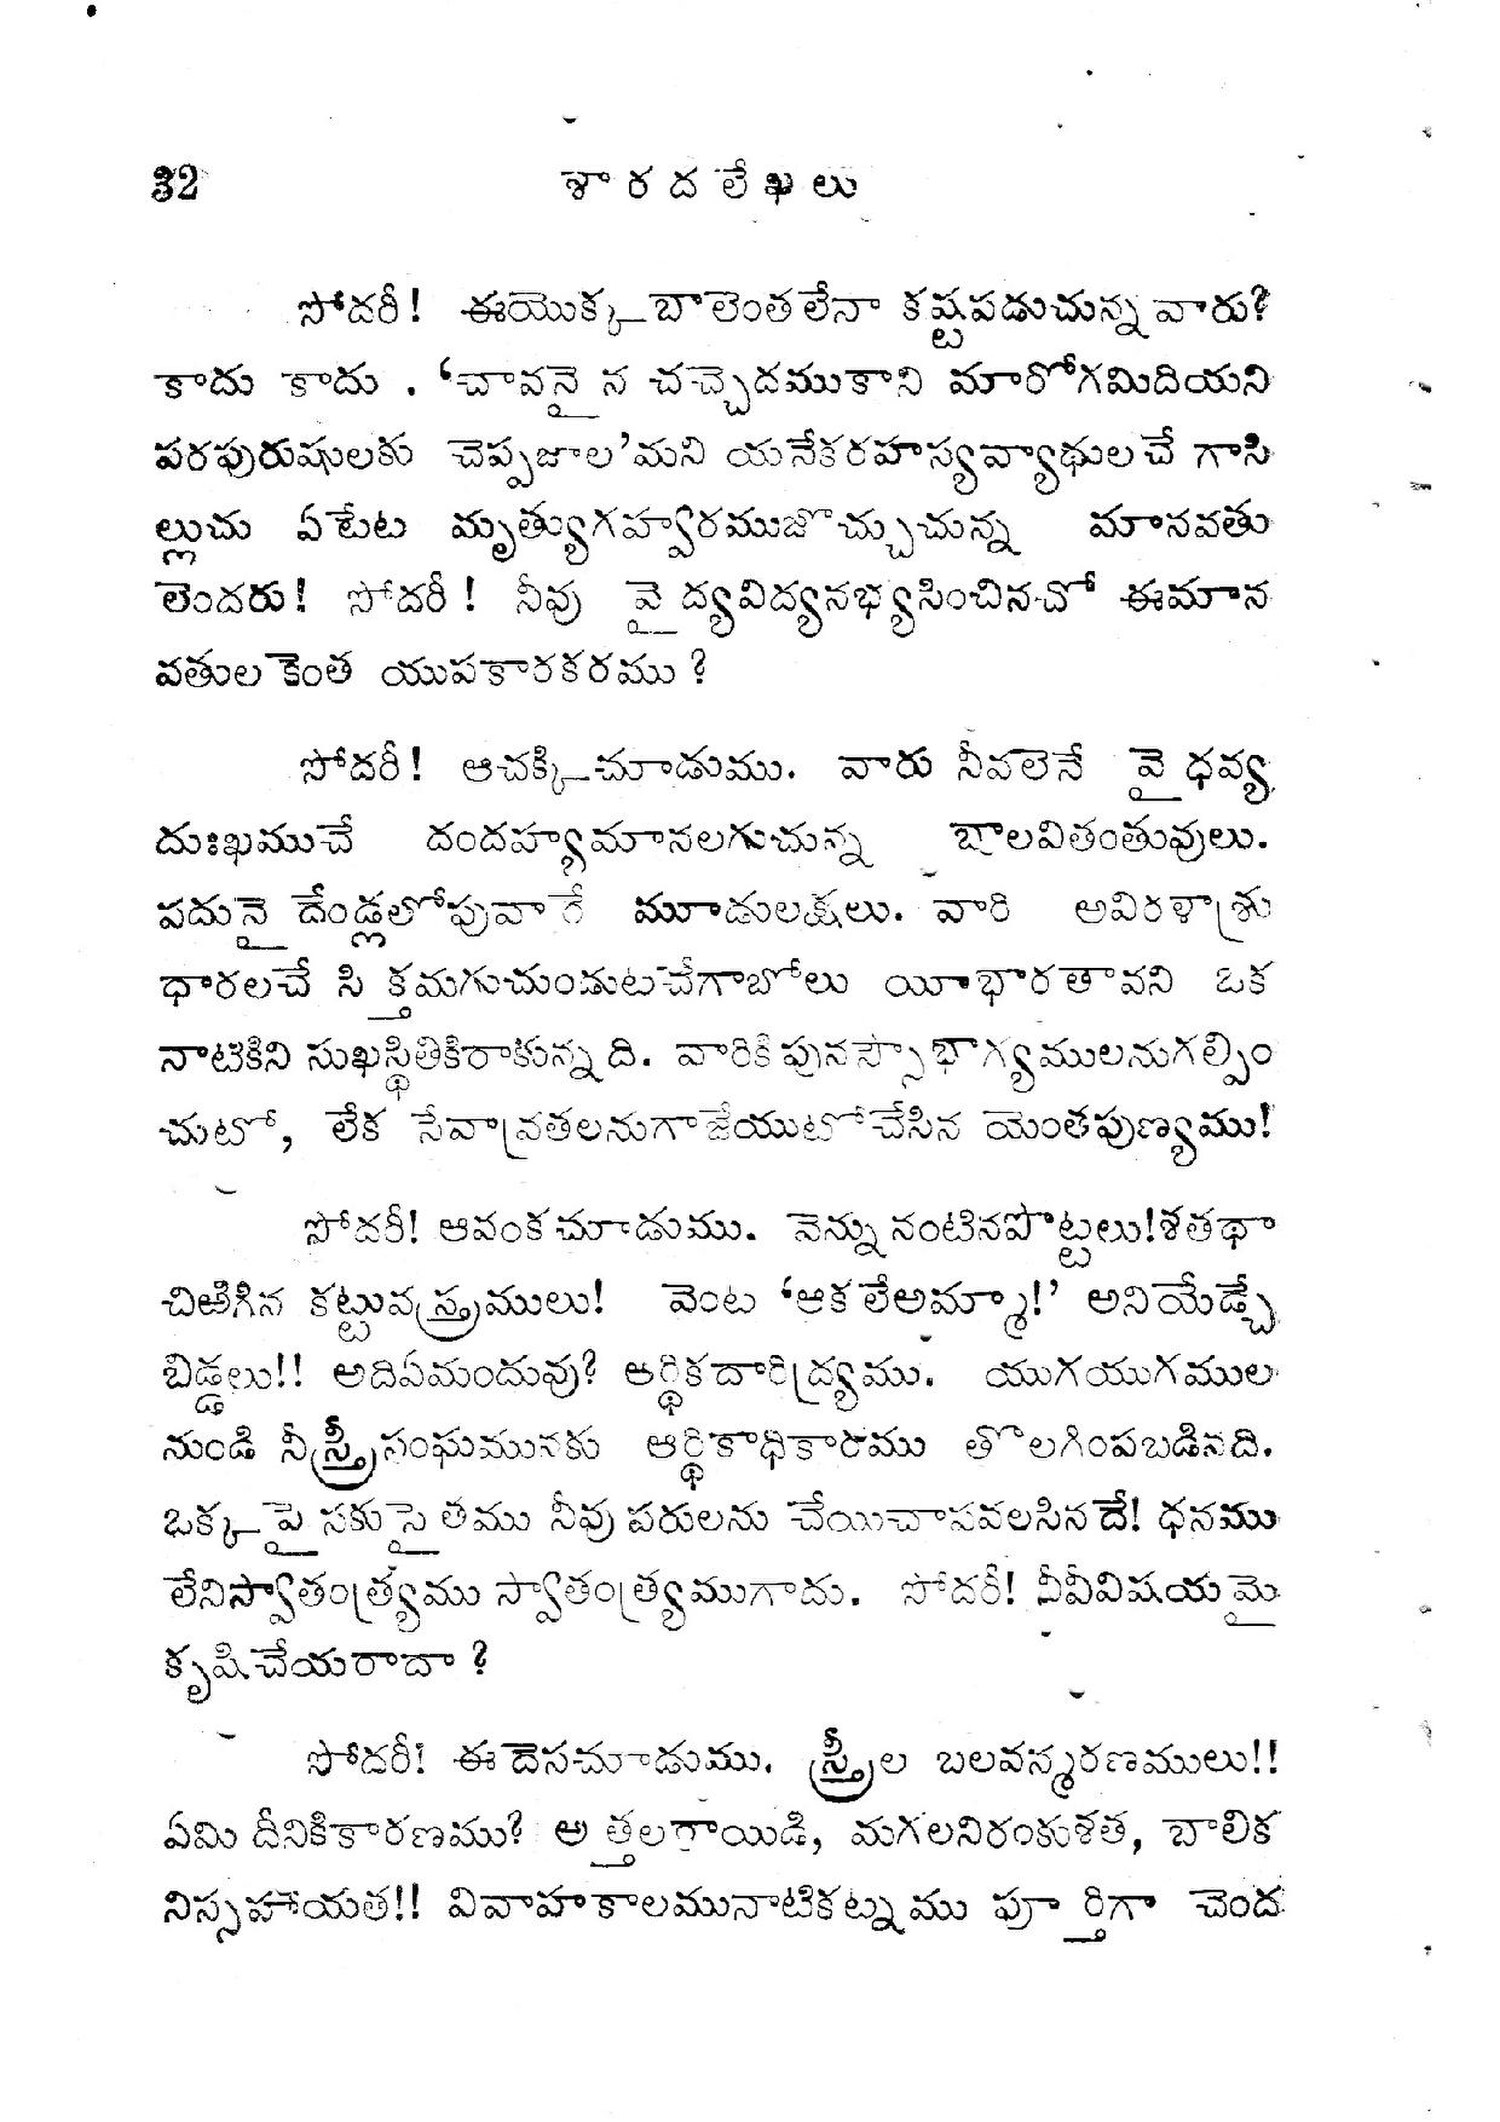సోదరీ! ఈయొక్క బాలెంతలేనా కష్టపడుచున్నవారు?
కాదు కాదు . ‘చావనైన చచ్చెదముకాని మారోగమిదియని
పరపురుషులకు చెప్పజాల'మని యనేకరహస్యవ్యాధులచే గాసి
ల్లుచు ఏటేట మృత్యుగహ్వరముజొచ్చుచున్న మానవతు
లెందరు! సోదరీ! నీవు వైద్యవిద్యనభ్యసించినచో ఈమాన
వతుల కెంత యుపకారకరము ?

సోదరీ! ఆచక్కిచూడుము. వారు నీవలెనే వైధవ్య
దుఃఖముచే దందహ్యమానలగుచున్న బాలవితంతువులు.
పదునై దేండ్లలోపువాగే మూడులక్షలు. వారి అవిరళాశ్రు
ధారలచే సిక్తమగుచుండుటచేగాబోలు యీభారతావని ఒక
నాటికిని సుఖస్థితికిరాకున్నది. వారికి పునస్సౌభాగ్యములనుగల్పిం
చుటో, లేక సేవావ్రతలనుగా జేయుటో చేసిన యెంతపుణ్యము!

సోదరీ! ఆవంకచూడుము. వెన్నువంటినపొట్టలు! శతథా
చిఱిగిన కట్టువస్త్రములు! వెంట 'ఆకలేఅమ్మా!' అనియేడ్చే
బిడ్డలు!! అదిఏమందువు? ఆర్థిక దారిద్య్రము. యుగయుగములు
నుండి స్త్రీ సంఘమునకు ఆర్థికాధికారము తొలగింపబడినది.
ఒక్క పైసకు సైతము నీవు పరులను చేయిచాపవలసినదే! ధనము
లేనిస్వాతంత్ర్యము స్వాతంత్య్రము గాదు. సోదరీ! నీవిషయమై
కృషిచేయరాదా ?

సోదరీ! ఈదెసచూడుము. స్త్రీల బలవన్మరణములు!!
ఏమి దీనికికారణము? అత్తలరాయిడి, మగలనిరంకుశత, బాలిక
నిస్సహాయత!! వివాహకాలమునాటికట్నము పూర్తిగా చెంద